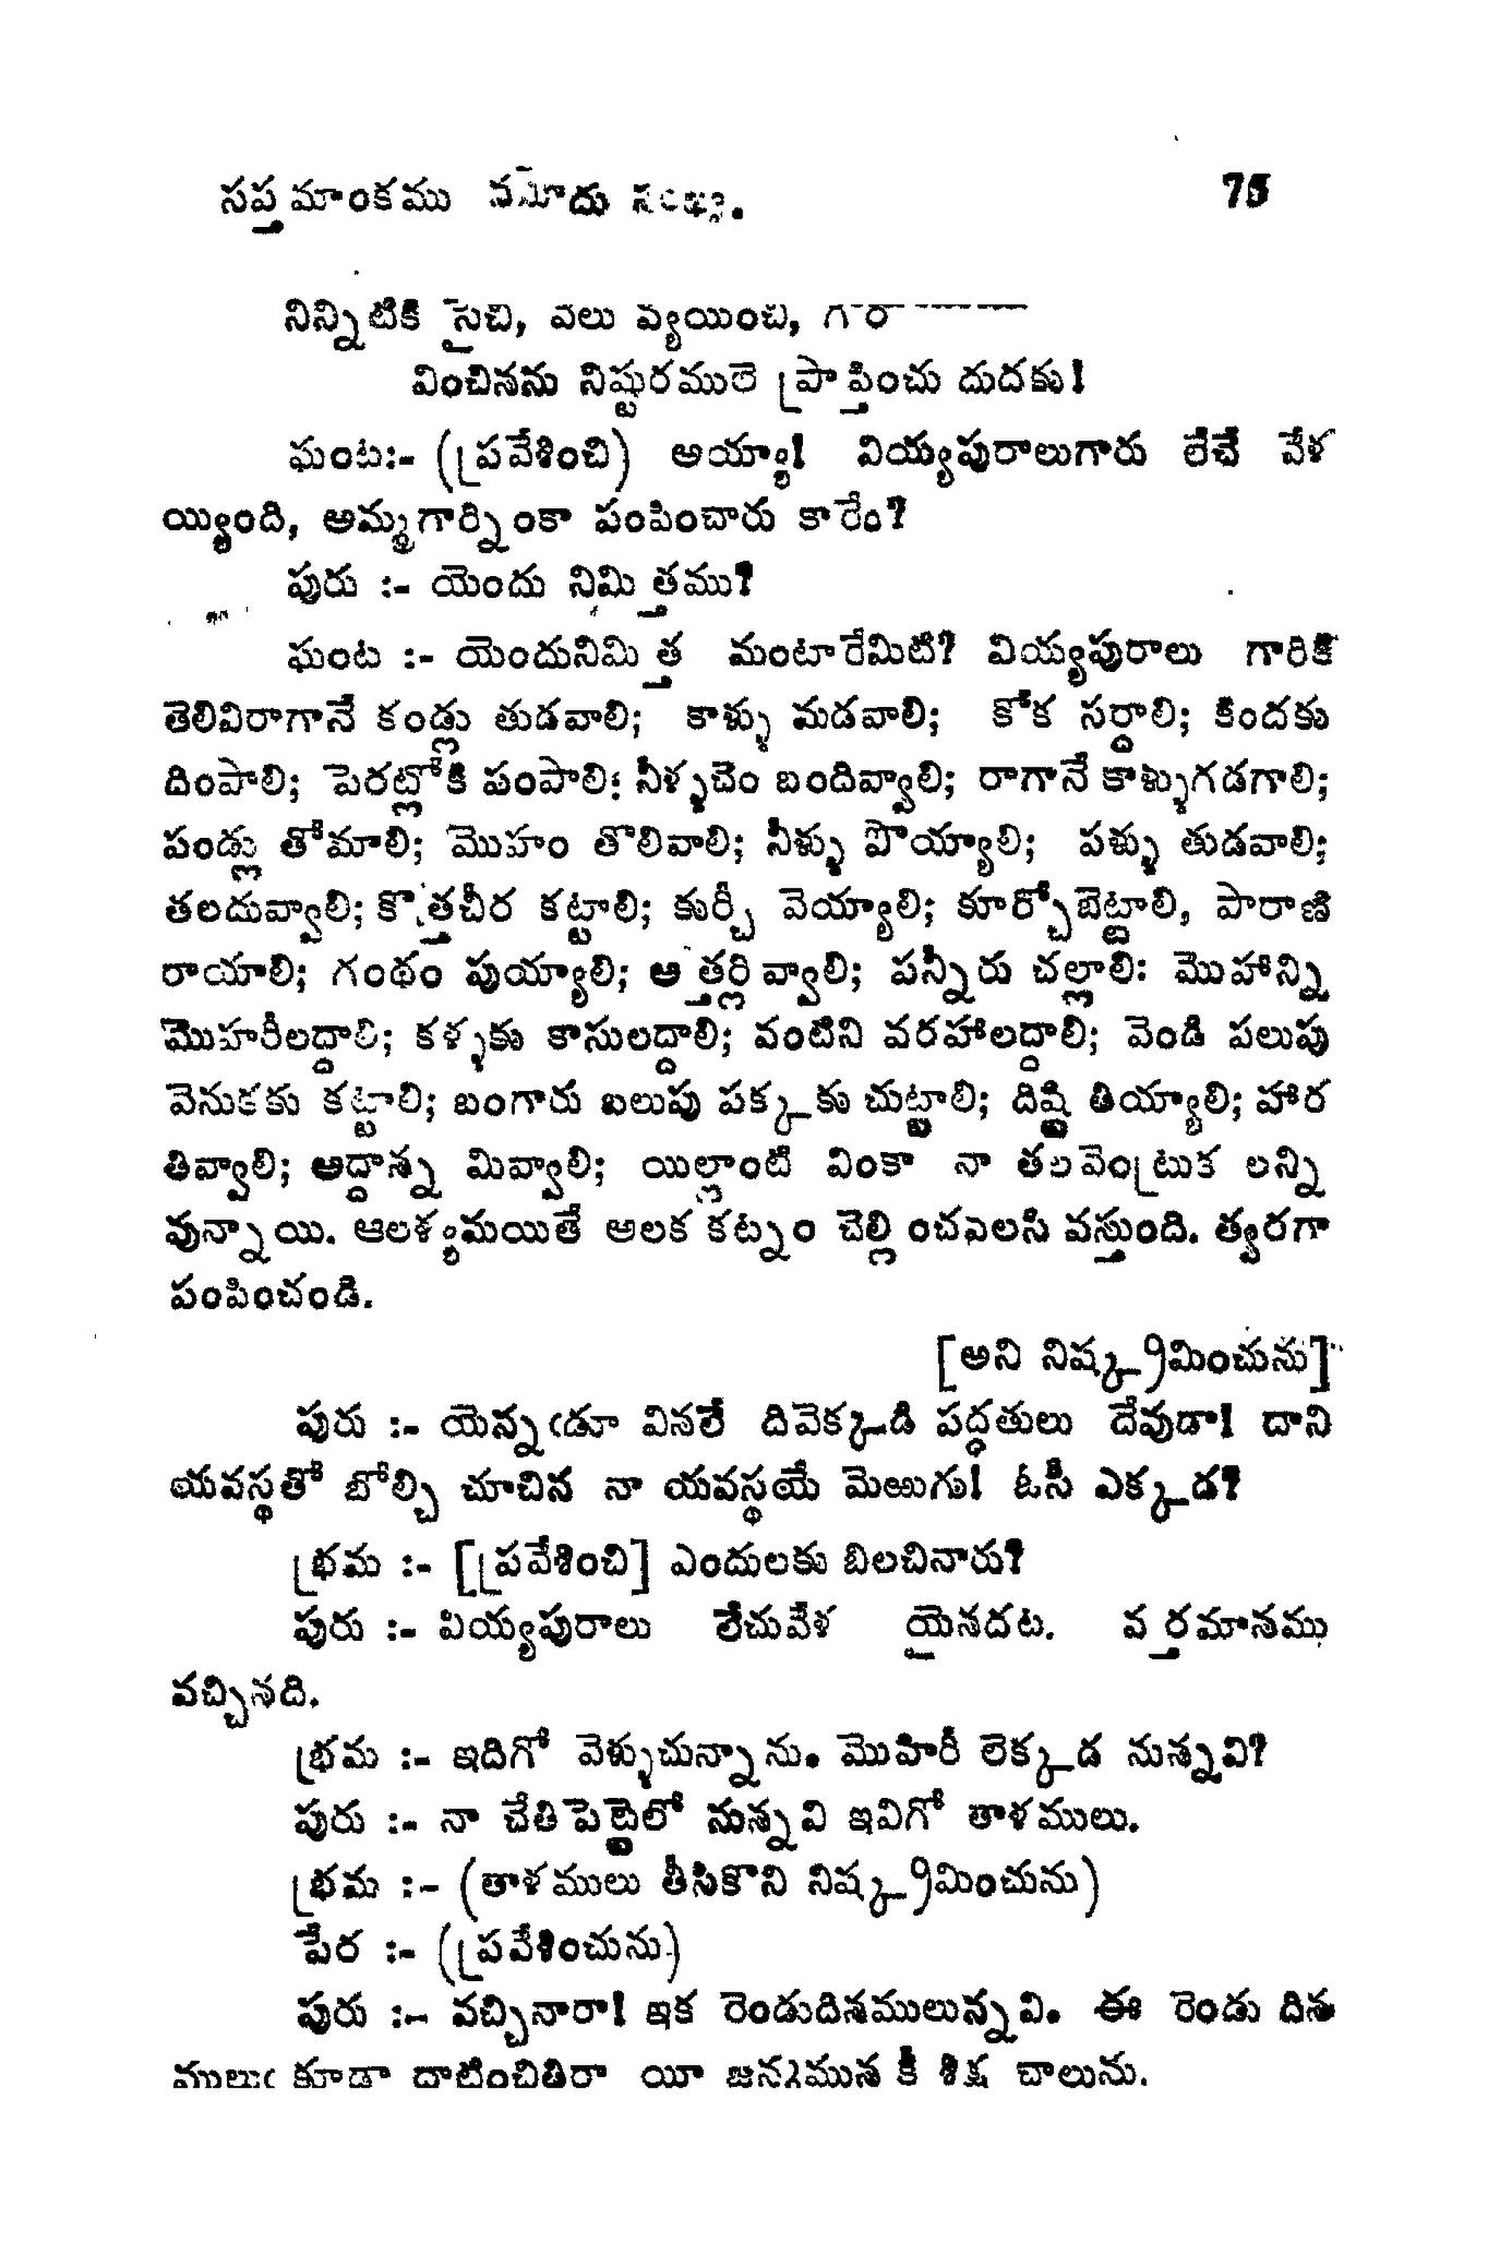నిన్నిటికి సైచి, వేలు వ్యయించి, గౌర
 వించినను నిష్ఠురములె ప్రాప్తించు దుదకు!
ఘంట :- (ప్రవేశించి) అయ్యా! వియ్యపురాలుగారు లేచే వేళయ్యింది. అమ్మగార్నింకా పంపించారు కారేం?

పురు :-ఎందు నిమిత్తము?

ఘంట :- యెందునిమిత్త మంటారేమిటి? వియ్యపురాలు గారికి తెలివిరాగానే కండ్లు తుడవాలి; కాళ్ళు మడవాలి; కోక సర్దాలి; కిందకు దింపాలి; పెరట్లోకి పంపాలి; నీళ్ళచెం బందివ్వాలి; రాగానే కాళ్ళుగడగాలి; పండ్లు తోమాలి; మొహం తొలివాలి; నీళ్ళు పోయ్యాలి; వళ్ళు తుడవాలి; తలదువ్వాలి; కొత్తచీర కట్టాలి; కుర్చీ వెయ్యాలి; కూర్చోబెట్టాలి; పారాణి రాయాలి; గంధం పుయ్యాలి; అత్తర్లివ్వాలి; పన్నీరు చల్లాలి; మొహాన్ని మొహరీలద్దాలి! కళ్ళకు కాసులద్దాలి! వంటిని వరహాలద్దాలి; వెండి పలుపు వెనకను కట్టాలి; బంగారు పలుపు పక్కకు చుట్టాలి; దిష్టి తియ్యాలి; హారతివ్వాలి; అద్ధాన్న మివ్వాలి; యిల్లాంటి వింకా నా తలవెంట్రుక లన్ని వున్నాయి. ఆలశ్యమైతేఁ అలక కట్నం చెల్లించవలసి వస్తుంది. త్వరగా పంపించండి. (అని నిష్క్రమించును.)

పురు :- యెన్నఁడూ వినలే దివెక్కడి పద్ధతులు దేవుఁడా! దాని యవస్థతో బోల్చి చూచిన నా యవస్థయే మెఱుగు! ఓసీ యెక్కడ?

భ్రమ :- (ప్రవేశించి) ఎందులకు బిలచినారు?

పురు :- వియ్యపురాలు లేచువేళ యైనదట. వర్తమానము వచ్చినది.

భ్రమ :- ఇదిగో వెళ్ళుచున్నాను. మొహిరీ లెక్కడ నున్నవి?

పురు :- నా చేతిపెట్టెలో నున్నవి. ఇవిగో తాళములు.

భ్రమ :- (తాళములు తీసికొని నిష్క్రమించును.)

పేర :- (ప్రవేశించును.)

పురు :- వచ్చినారా! ఇక రెండుదినములున్నవి! ఈ రెండు దినములుఁ కూడ దాటించితిరా యీ జన్మమున కీ శిక్ష చాలును.